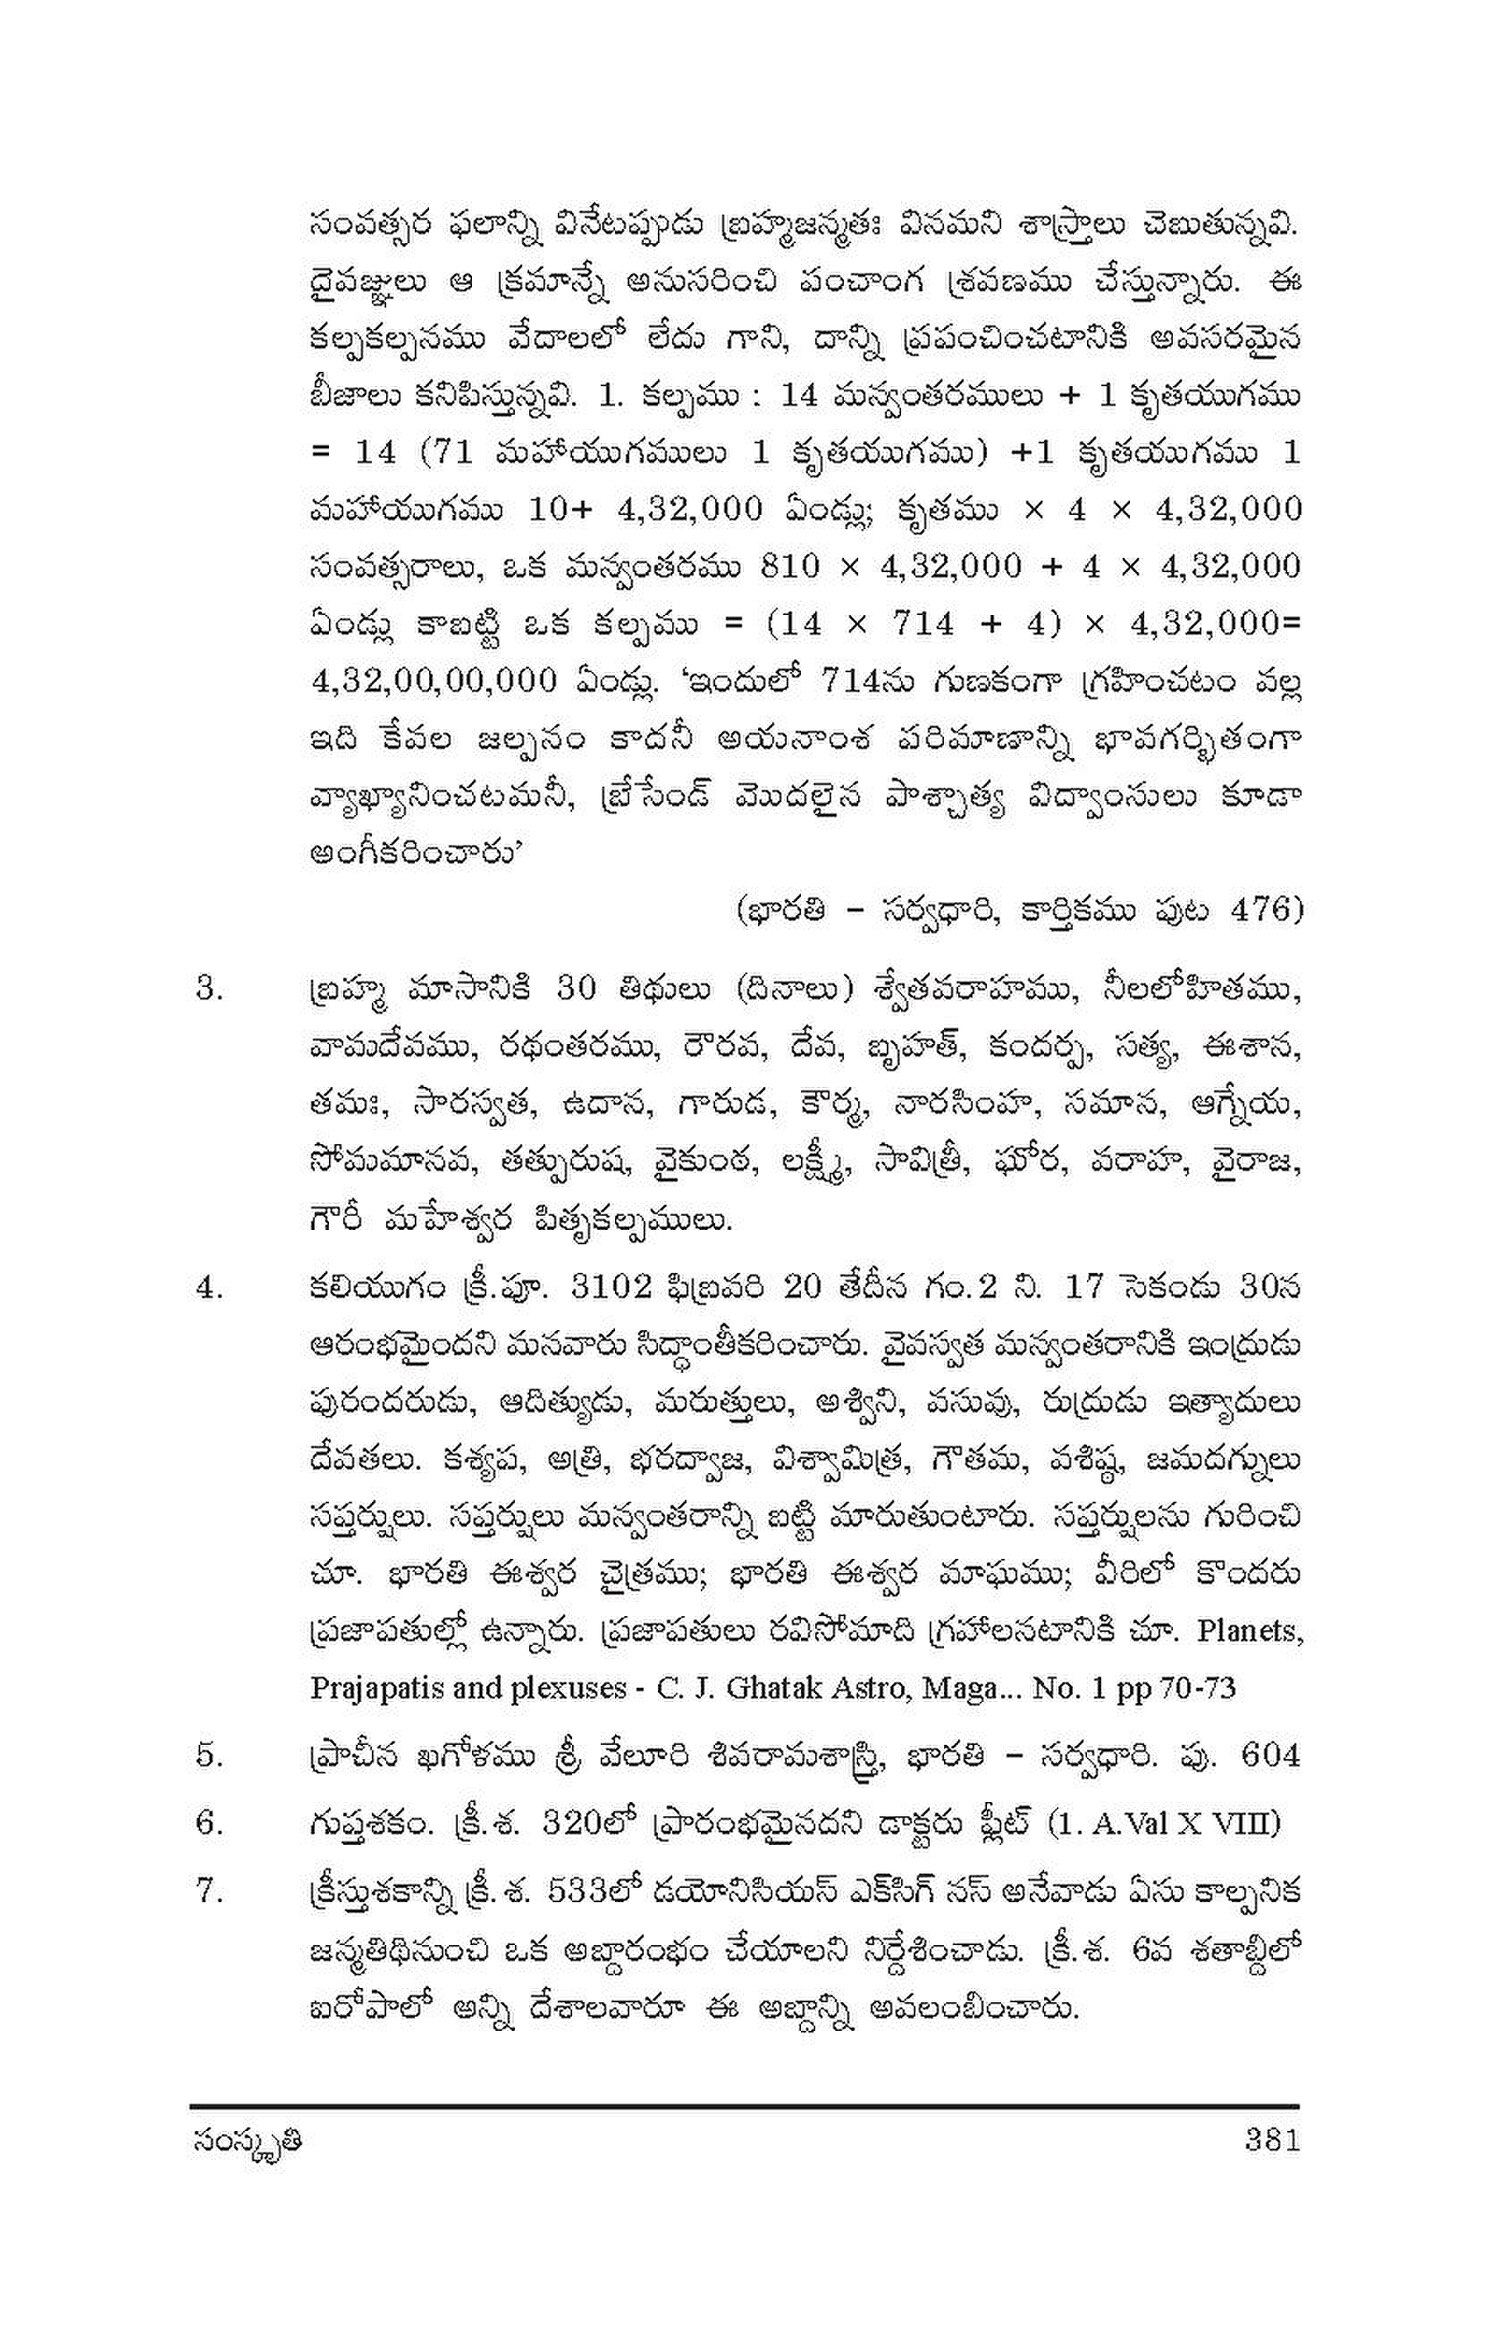సంవత్సర ఫలాన్ని వినేటప్పుడు బ్రహ్మజన్మతః వినమని శాస్త్రాలు చెబుతున్నవి.
దైవజ్ఞులు ఆ క్రమాన్నే అనుసరించి పంచాంగ శ్రవణము చేస్తున్నారు. ఈ
కల్పకల్పనము వేదాలలో లేదు గాని, దాన్ని ప్రపంచించటానికి అవసరమైన
బీజాలు కనిపిస్తున్నవి. 1. కల్పము : 14 మన్వంతరములు + 1 కృతయుగము
= 14 (71 మహాయుగములు 1 కృతయుగము) +1 కృతయుగము 1
మహాయుగము 10+ 4,32,000 ఏండ్లు; కృతము × 4 × 4,32,000
సంవత్సరాలు, ఒక మన్వంతరము 810 × 4,32,000 + 4 × 4,32,000
ఏండ్లు కాబట్టి ఒక కల్పము
(14 × 714 + 4) × 4,32,000
4,32,00,00,000 ఏండ్లు. 'ఇందులో 714ను గుణకంగా గ్రహించటం వల్ల
ఇది కేవల జల్పనం కాదనీ అయనాంశ పరిమాణాన్ని భావగర్భితంగా
వ్యాఖ్యానించటమనీ, బ్రేసెండ్ మొదలైన పాశ్చాత్య విద్వాంసులు కూడా
అంగీకరించారు'

(భారతి - సర్వధారి, కార్తికము పుట 476)

3. బ్రహ్మ మాసానికి 30 తిథులు (దినాలు) శ్వేతవరాహము, నీలలోహితము,
వామదేవము, రథంతరము, గౌరవ, దేవ, బృహత్, కందర్ప, సత్య, ఈశాన,
తమః, సారస్వత, ఉదాన, గారుడ, కౌర్మ, నారసింహ, సమాన, ఆగ్నేయ,
సోమమానవ, తత్పురుష, వైకుంఠ, లక్ష్మీ, సావిత్రీ, ఘోర, వరాహ, వైరాజ,
గౌరీ మహేశ్వర పితృకల్పములు.

4. కలియుగం క్రీ.పూ. 3102 ఫిబ్రవరి 20 తేదీన గం.2 ని. 17 సెకండు 30న
ఆరంభమైందని మనవారు సిద్ధాంతీకరించారు. వైవస్వత మన్వంతరానికి ఇంద్రుడు
పురందరుడు, ఆదిత్యుడు, మరుత్తులు, అశ్విని, పసుపు, రుద్రుడు ఇత్యాదులు
దేవతలు. కశ్యప, అత్రి, భరద్వాజ, విశ్వామిత్ర, గౌతమ, వశిష్ఠ, జమదగ్నులు
సప్తర్షులు. సప్తర్షులు మన్వంతరాన్ని బట్టి మారుతుంటారు. సప్తర్షులను గురించి
చూ. భారతి ఈశ్వర చైత్రము; భారతి ఈశ్వర మాఘము; వీరిలో కొందరు
ప్రజాపతుల్లో ఉన్నారు. ప్రజాపతులు రవిసోమాది గ్రహాలనటానికి చూ. Planets,
Prajapatis and plexuses - C. J. Ghatak Astro, Maga... No. 1 pp 70-73

5. ప్రాచీన ఖగోళము శ్రీ వేలూరి శివరామశాస్త్రి, భారతి - సర్వధారి. పు. 604

6. గుప్తశకం. క్రీ.శ. 320లో ప్రారంభమైనదని డాక్టరు ఫ్లీట్ (1. A.Val X VIII)

7. క్రీస్తుశకాన్ని క్రీ. శ. 533లో డయోనిసియస్ ఎక్సిగ్ నస్ అనేవాడు ఏసు కాల్పనిక
జన్మతిథినుంచి ఒక అబ్దారంభం చేయాలని నిర్దేశించాడు. క్రీ.శ. 6వ శతాబ్దిలో
ఐరోపాలో అన్ని దేశాలవారూ ఈ అబ్దాన్ని అవలంబించారు.